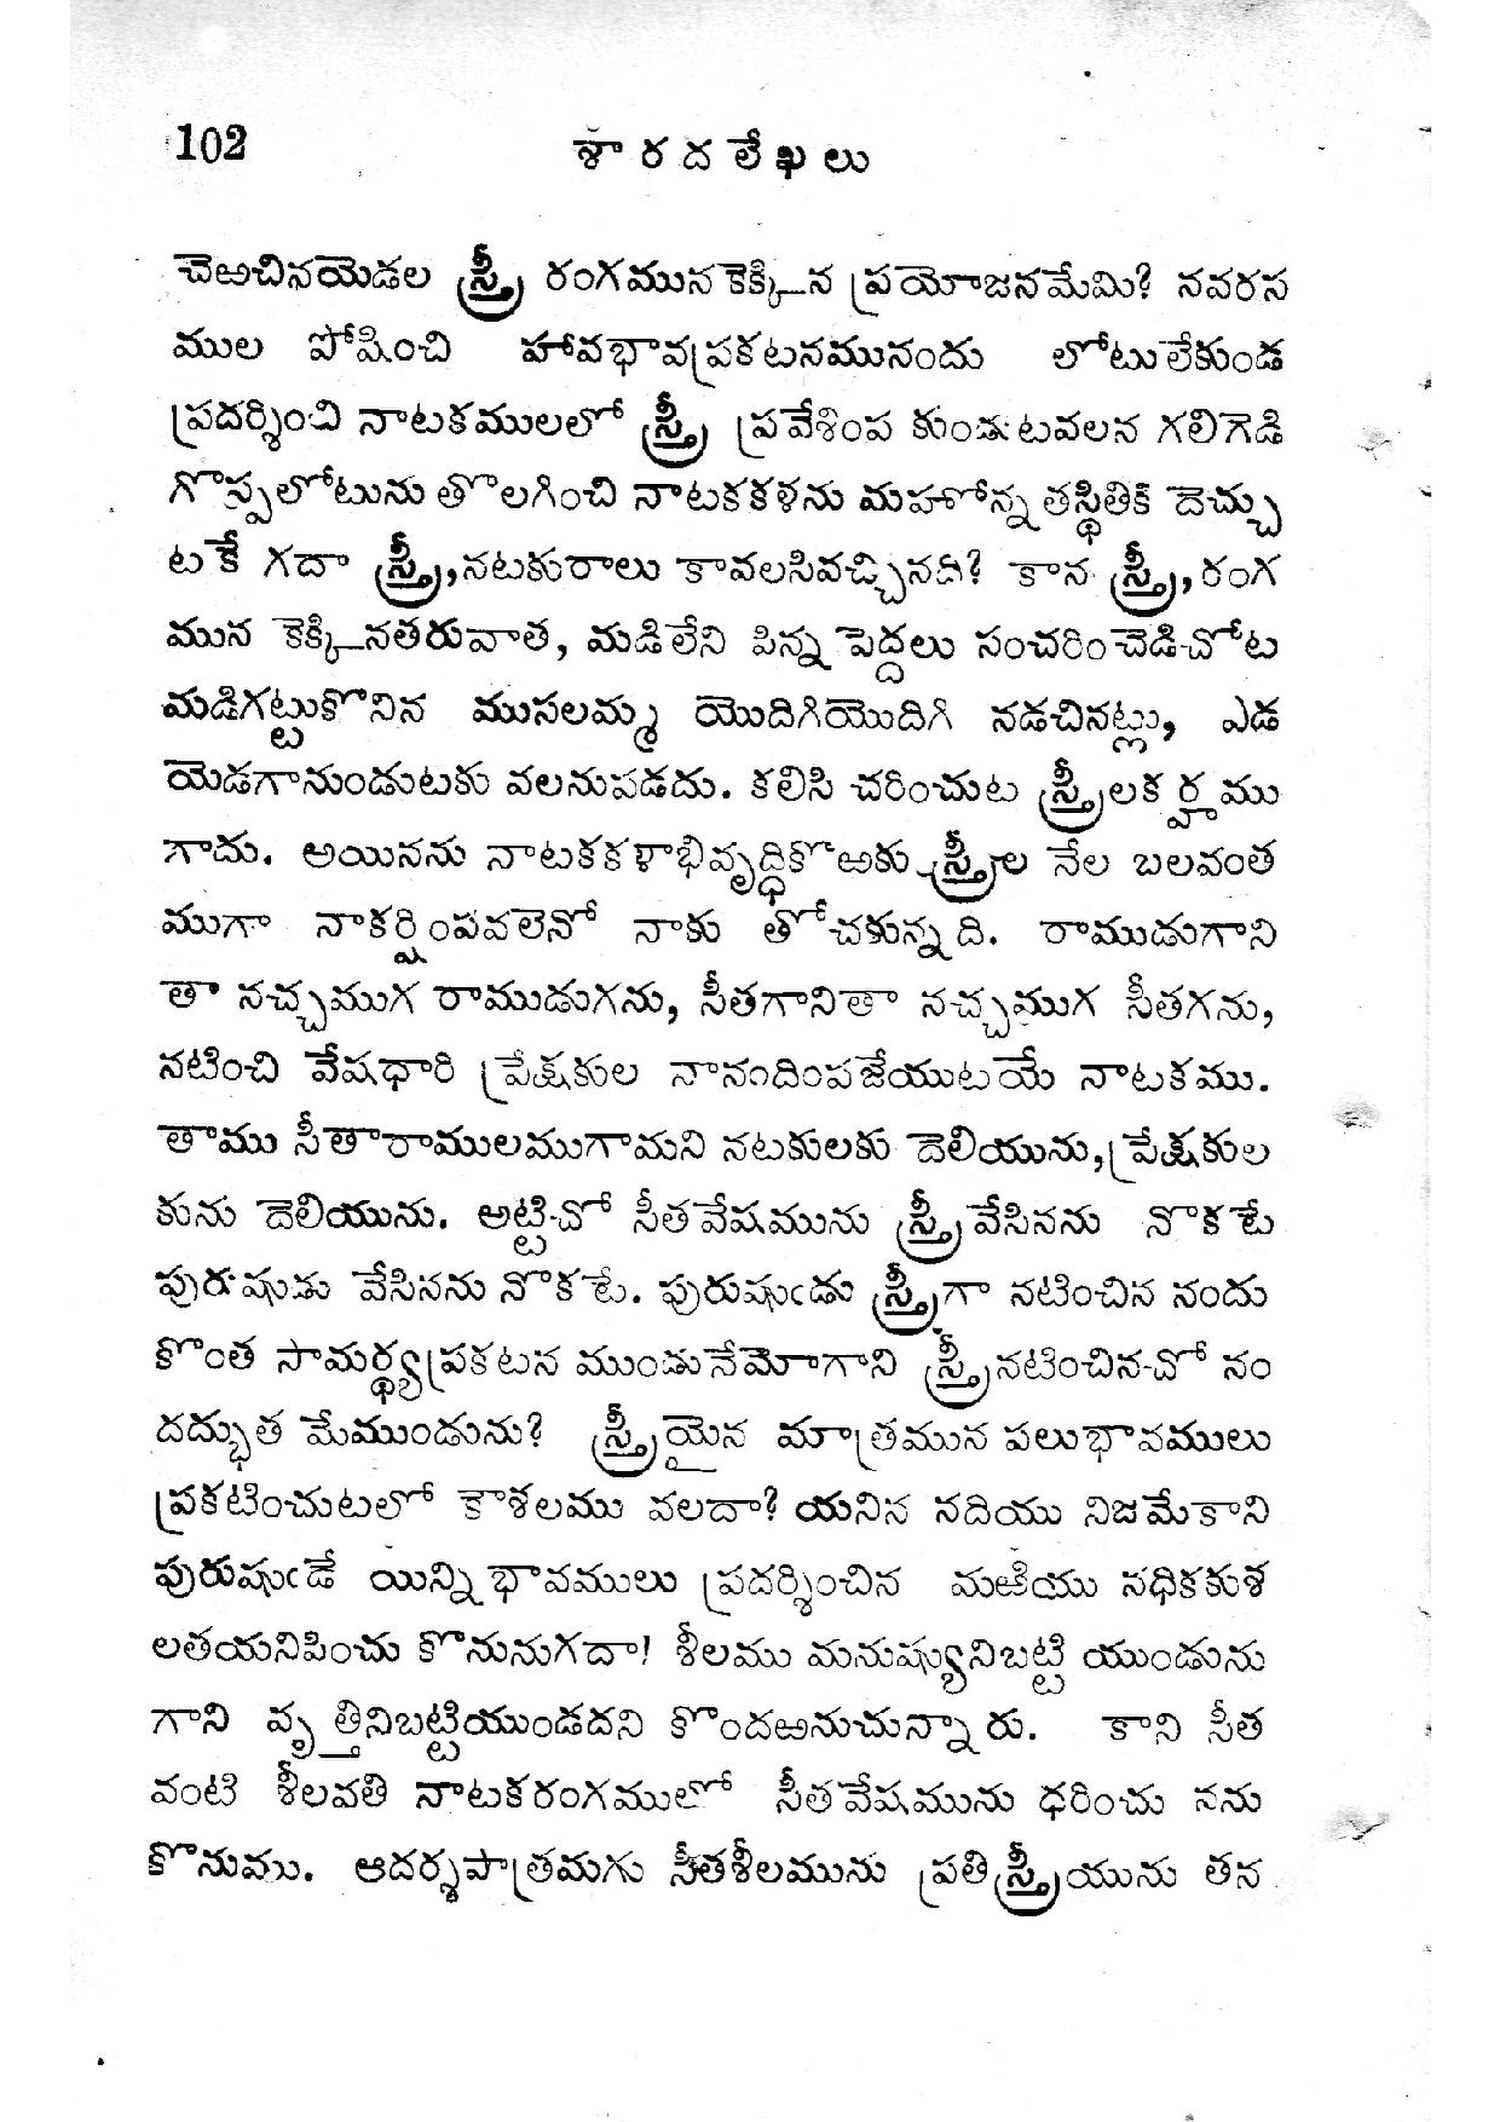చెఱచినయెడల స్త్రీ రంగమునకెక్కిన ప్రయోజనమేమి? నవరసముల పోషించి హావభావప్రకటనమునందు లోటులేకుండ ప్రదర్శించి నాటకములలో స్త్రీ ప్రవేశింప కుండుటవలన గలిగెడి గొప్పలోటును తొలగించి నాటకకళను మహోన్నతస్థితికి దెచ్చుటకే గదా స్త్రీ, నటకురాలు కావలసివచ్చినది? కాన స్త్రీ, రంగమున కెక్కినతరువాత, మడిలేని పిన్న పెద్దలు సంచరించెడిచోట మడిగట్టుకొనిన ముసలమ్మ యొదిగియొదిగి నడచినట్లు, ఎడ యెడగానుండుటకు వలనుపడదు. కలిసి చరించుట స్త్రీలకర్హము గాదు. అయినను నాటకకళాభివృద్ధికొఱకు స్త్రీల నేల బలవంతముగా నాకర్షింపవలెనో నాకు తోచకున్నది. రాముడుగాని తా నచ్చముగ రాముడుగను, సీతగానితా నచ్చముగ సీతగను, నటించి వేషధారి ప్రేక్షకుల నానందింపజేయుటయే నాటకము. తాము సీతారాములముగామని నటకులకు దెలియును, ప్రేక్షకులకును దెలియును. అట్టిచో సీతవేషమును స్త్రీవేసినను నొకటే పురుషుడు వేసినను నొకటే. పురుషుఁడు స్త్రీగా నటించిన నందు కొంత సామర్థ్యప్రకటన ముండునేమోగాని నటించినచో నందద్భుత మేముండును? స్త్రీయైన మాత్రమున పలుభావములు ప్రకటించుటలో కౌశలము వలదా? యనిన నదియు నిజమేకాని
పురుషుఁడే యిన్నిభావములు ప్రదర్శించిన మఱియు నధికకుశలతయనిపించు కొనునుగదా! శీలము మనుష్యునిబట్టి యుండును గాని వృత్తినిబట్టియుండదని కొందఱనుచున్నారు. కాని సీతవంటి శీలవతి నాటకరంగములో సీతవేషమును ధరించు ననుకొనుము. ఆదర్శపాత్రమగు సీతశీలమును ప్రతిస్త్రీయును తన